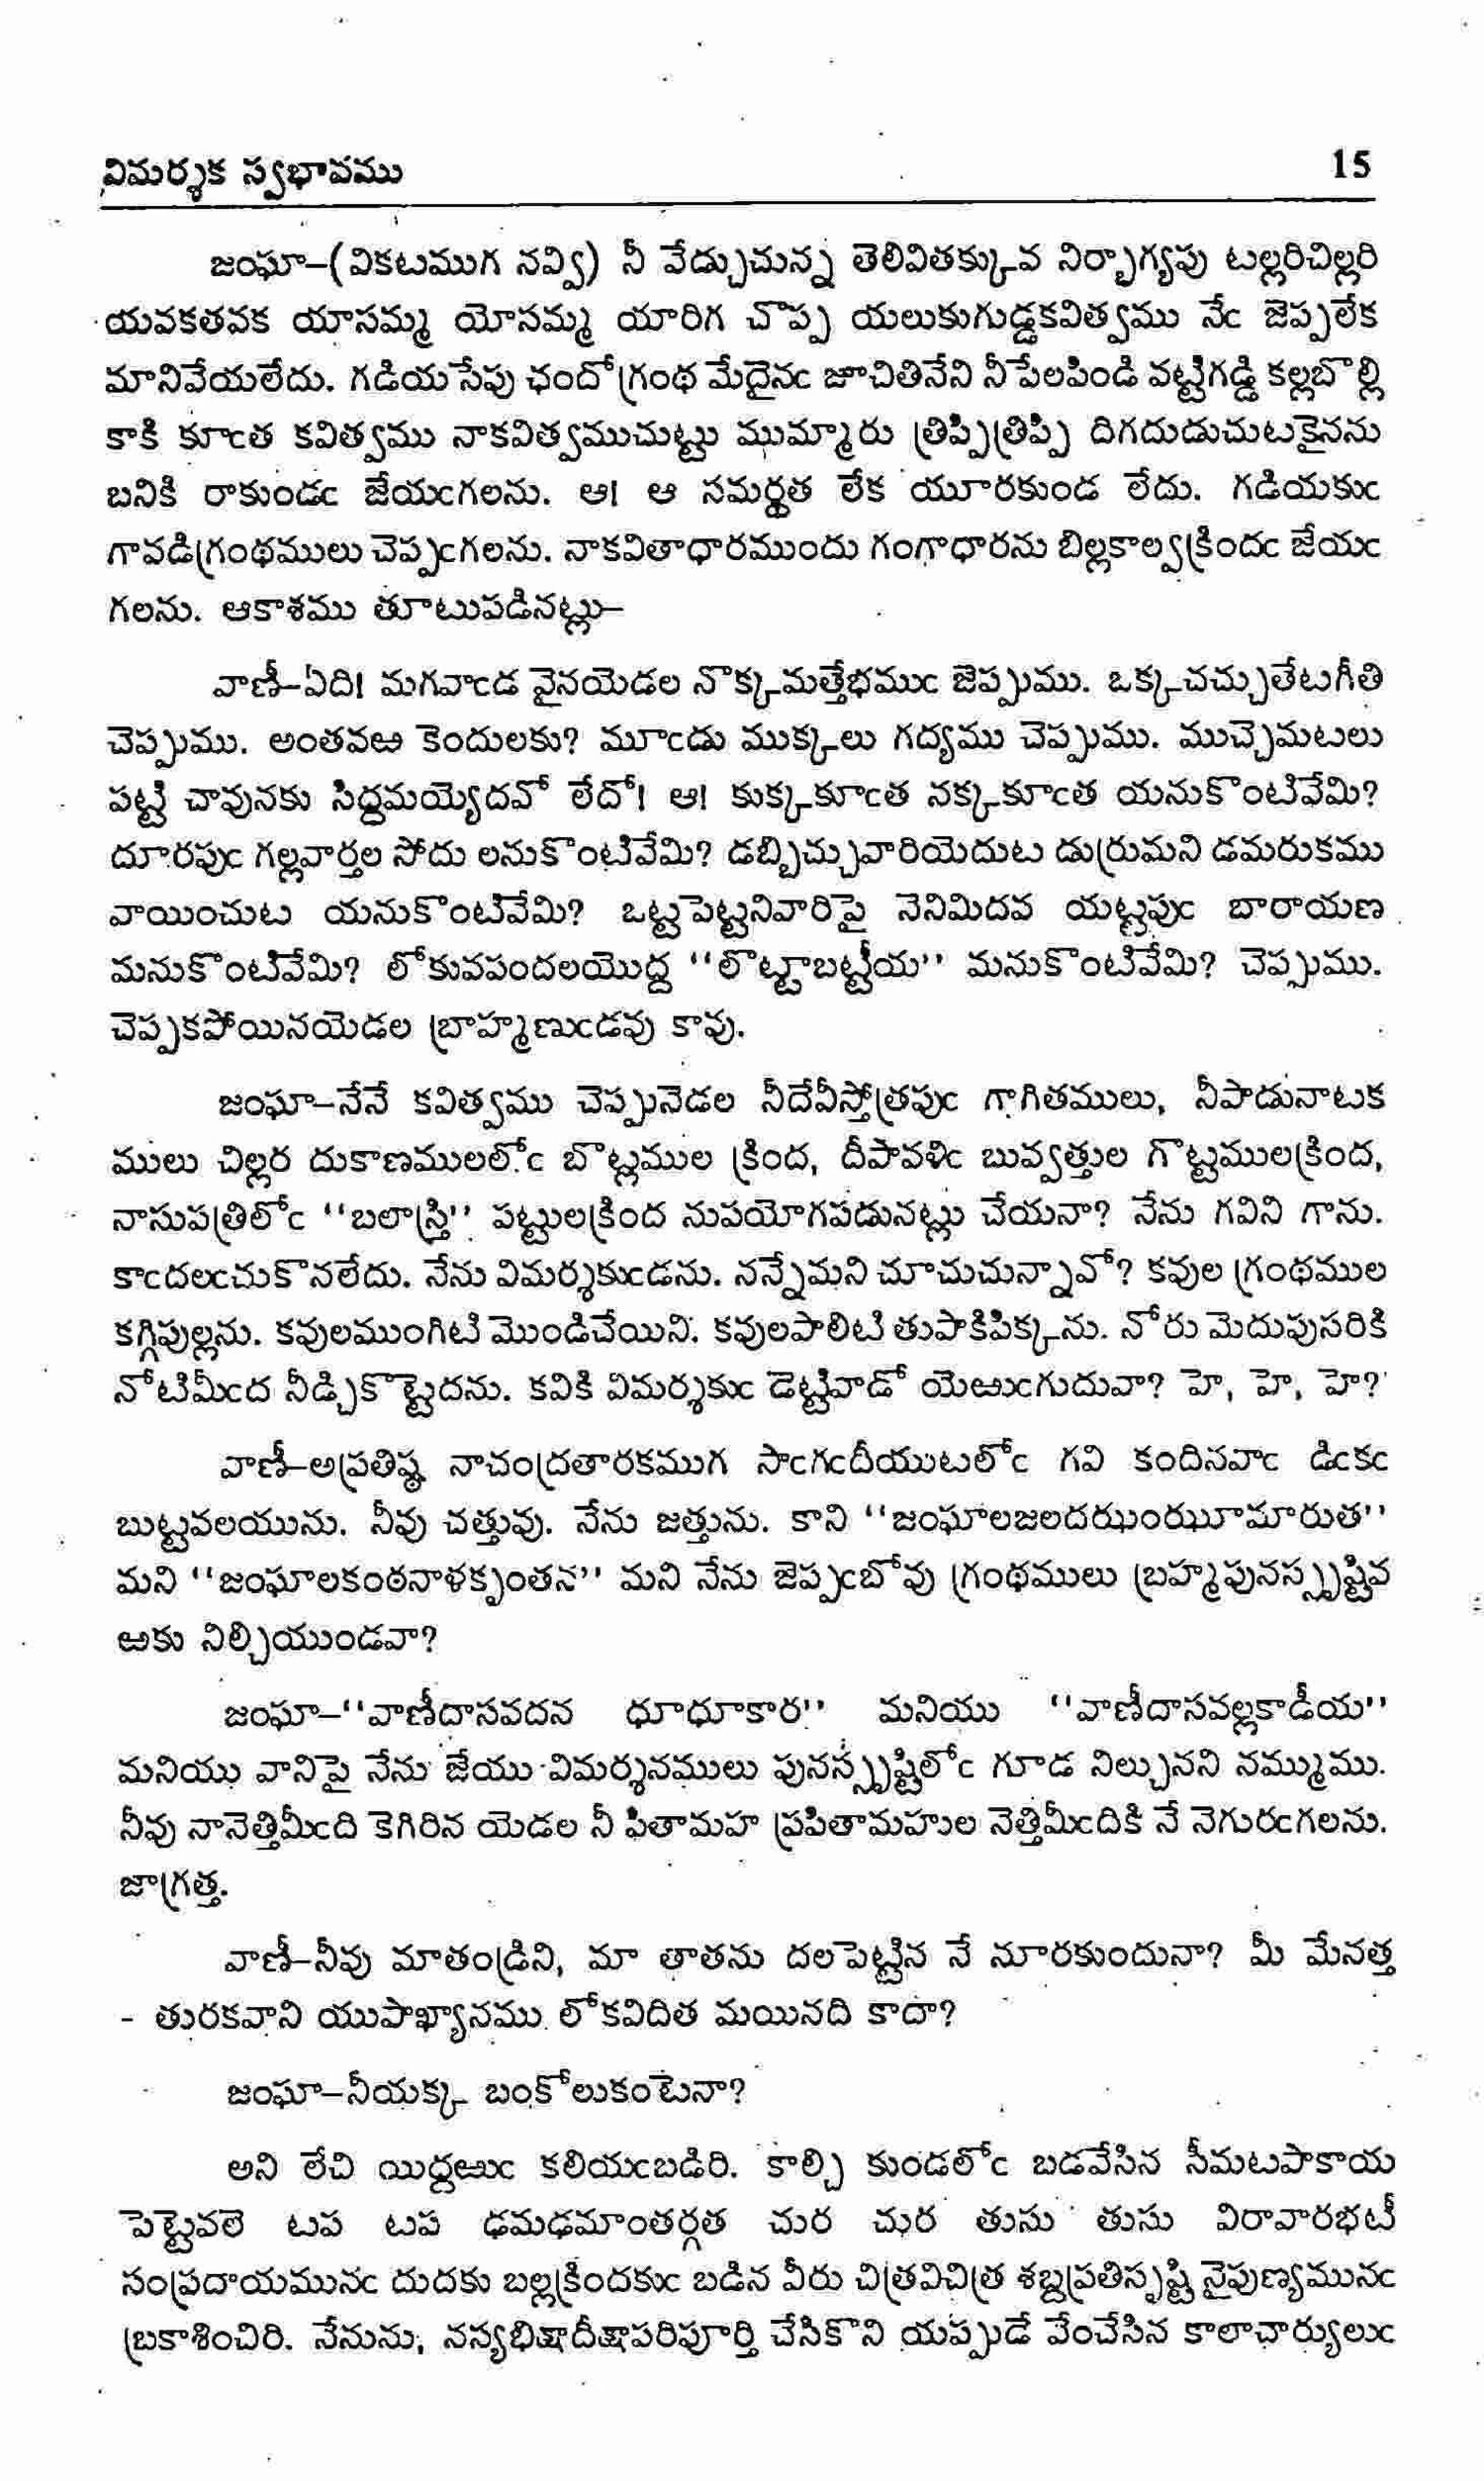జంఘా - (వికటముగ నవ్వి) నీ వేడ్చుచున్న తెలివితక్కువ నిర్భాగ్యపు టల్లరిచిల్లరి యవకతవక యాసమ్మ యోసమ్మ యారిగ చొప్ప యలుకుగుడ్డకవిత్వము నేఁ జెప్పలేక మానివేయలేదు. గడియసేపు ఛందోగ్రంథ మేదైనఁ జూచితినేని నీపేలపిండి వట్టిగడ్డి కల్లబొల్లి కాకి కూఁత కవిత్వము నాకవిత్వము చుట్టు ముమ్మారు త్రిప్పిత్రిప్పి దిగదుడుచుటకైనను బనికి రాకుండఁ జేయఁగలను. ఆl ఆ సమర్థత లేక యూరకుండ లేదు. గడియకుఁ గావడిగ్రంథములు చెప్పగలను. నాకవితాధారముందు గంగాధారను బిల్లకాల్వ క్రిందఁ జేయఁగలను. ఆకాశము తూటుపడినట్లు-

వాణీ-ఏది! మగవాఁడ వైనయెడల నొక్కమత్తేభముఁ జెప్పుము. ఒక్కచచ్చుతేటగీతి చెప్పుము. అంతవఱ కెందులకు? మూఁడు ముక్కలు గద్యము చెప్పుము. ముచ్చెమటలు పట్టి చావునకు సిద్ధమయ్యెదవో లేదో! ఆ! కుక్కకూఁత నక్కకూఁత యనుకొంటివేమి? దూరపుఁ గల్లవార్తల సోదు లనుకొంటివేమి? డబ్బిచ్చువారియెదుట డుర్రుమని డమరుకము వాయించుట యనుకొంటివేమి? ఒట్టపెట్టనివారిపై నెనిమిదవ యట్టపుఁ బారాయణ మనుకొంటివేమి? లోకువపందలయొద్ద లొట్టాబట్టీయ" మనుకొంటివేమి? చెప్పుము. చెప్పకపోయినయెడల బ్రాహ్మణుఁడవు కావు.

జంఘా-నేనే కవిత్వము చెప్పునెడల నీదేవీస్తోత్రపుఁ గాగితములు, నీపాడునాటకములు చిల్లర దుకాణములలోఁ బొట్లముల క్రింద, దీపావళిఁ బువ్వత్తుల గొట్టములక్రింద, నాసుపత్రిలోఁ “బలాస్త్రి" పట్టులక్రింద నుపయోగపడునట్లు చేయనా? నేను గవిని గాను. కాఁదలఁచుకొనలేదు. నేను విమర్శకుఁడను. నన్నేమని చూచుచున్నావో? కవుల గ్రంథముల కగ్గిపుల్లను. కవులముంగిటి మొండిచేయిని. కవులపాలిటి తుపాకిపిక్కను. నోరు మెదుపుసరికి నోటిమీఁద నీడ్చికొట్టెదను. కవికి విమర్శకుఁ డెట్టివాడో యెఱుఁగుదువా? హె, హె, హె?'

వాణీ-అప్రతిష్ఠ నాచంద్రతారకముగ సాఁగఁదీయుటలోఁ గవి కందినవాఁ డిఁకఁ బుట్టవలయును. నీవు చత్తువు. నేను జత్తును. కాని “ జంఘాలజలదఝంఝామారుత మని జంఘాలకంఠనాళకృంతన ' మని నేను జెప్పఁబోవు గ్రంథములు బ్రహ్మపునస్సృష్టివఱకు నిల్చియుండవా?

జంఘా- వాణీదాసవదన ధూధూకార!" మనియు "వాణీదాసవల్లకాడీయ" మనియు వానిపై నేను జేయు విమర్శనములు పునస్సృష్టిలోఁ గూడ నిల్చునని నమ్ముము. నీవు నానెత్తిమీఁది కెగిరిన యెడల నీ పితామహ ప్రపితామహుల నెత్తిమీఁదికి నే నెగురఁగలను. జాగ్రత్త.

వాణీ-నీవు మాతండ్రిని, మా తాతను దలపెట్టిన నే నూరకుందునా? మీ మేనత్త - తురకవాని యుపాఖ్యానము లోకవిదిత మయినది కాదా?

జంఘా-నీయక్క బంకోలుకంటెనా?

అని లేచి యిద్దఱుఁ కలియఁబడిరి. కాల్చి కుండలోఁ బడవేసిన సీమటపాకాయ పెట్టెవలె టప టప ఢమఢమాంతర్గత చుర చుర తుసు తుసు విరావారభటీ సంప్రదాయమునఁ దుదకు బల్లక్రిందకుఁ బడిన వీరు చిత్రవిచిత్ర శబ్దప్రతిసృష్టి నైపుణ్యమునఁ బ్రకాశించిరి. నేనును, నన్యభిక్షాదీక్షాపరిపూర్తి చేసికొని యప్పుడే వేంచేసిన కాలాచార్యులుఁ